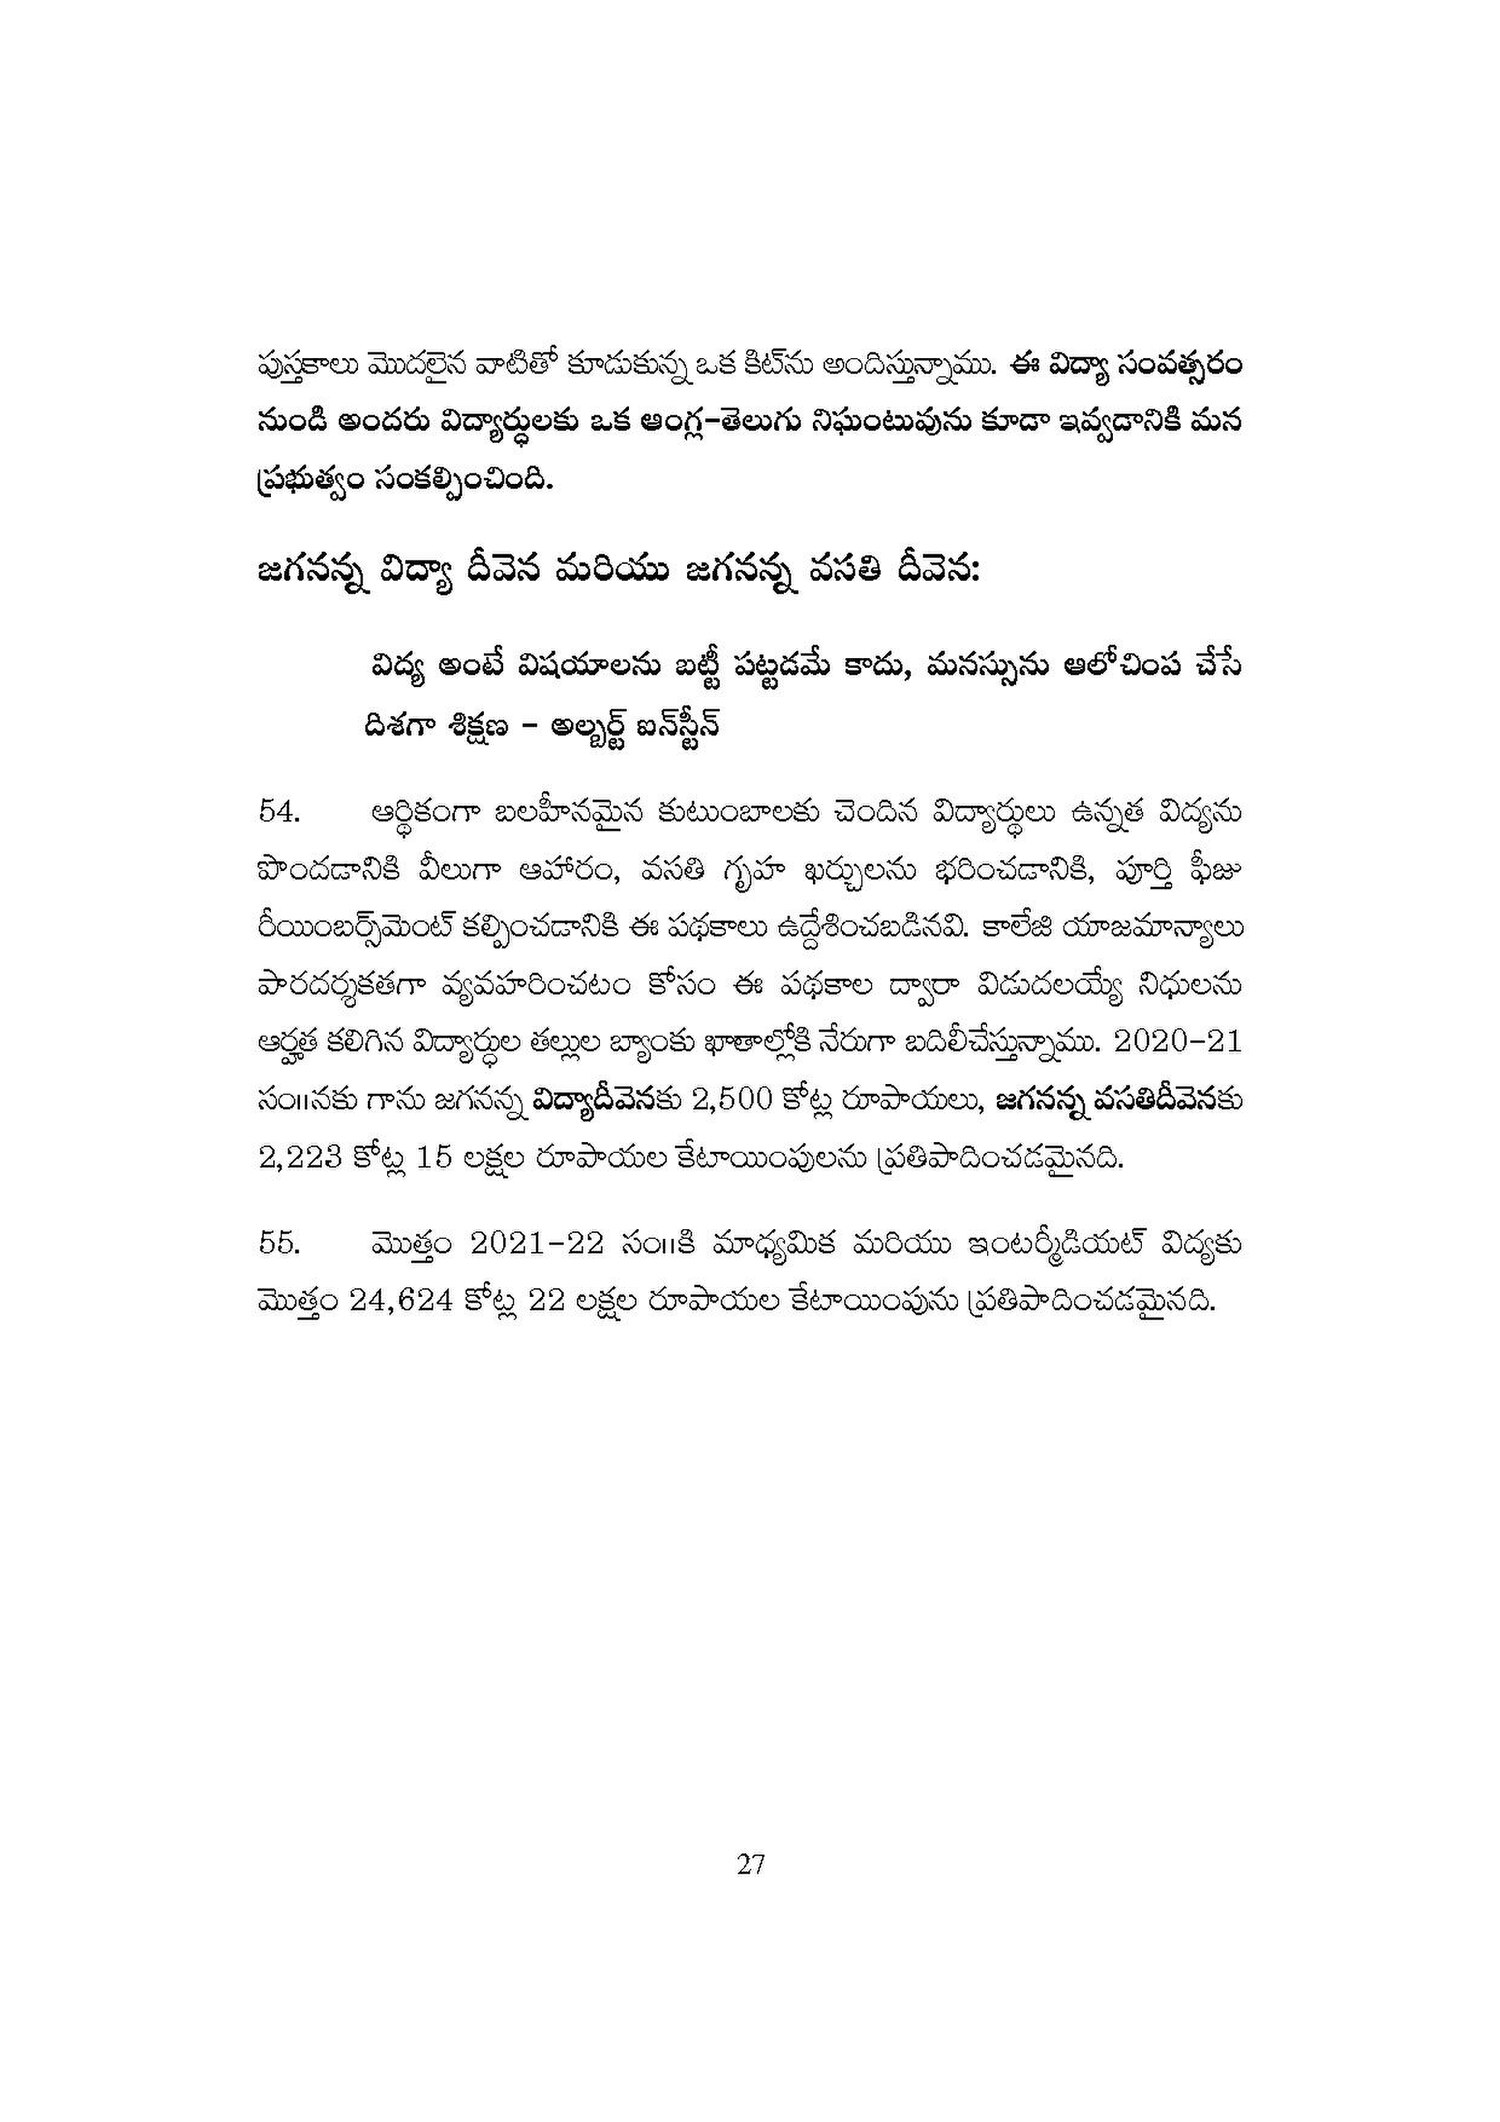పుస్తకాలు మొదలైన వాటితో కూడుకున్న ఒక కిట్ ను అందిస్తున్నాము. ఈ విద్యా సంవత్సరం నుండి అందరు విద్యార్ధులకు ఒక ఆంగ్ల-తెలుగు నిఘంటువును కూడా ఇవ్వడానికి మన ప్రభుత్వం సంకల్పించింది.

జగనన్న విద్యా దీవెన మరియు జగనన్న వసతి దీవెన:

విద్య అంటే విషయాలను బట్టీ పట్టడమే కాదు, మనస్సును ఆలోచింప చేసే
దిశగా శిక్షణ - ఆల్బర్ట్ ఐన్ స్టీన్ 

54. ఆర్థికంగా బలహీనమైన కుటుంబాలకు చెందిన విద్యార్థులు ఉన్నత విద్యను
పొందడానికి వీలుగా ఆహారం, వసతి గృహ ఖర్చులను భరించడానికి, పూర్తి ఫీజు
రీయింబర్స్మెంట్ కల్పించడానికి ఈ పథకాలు ఉద్దేశించబడినవి. కాలేజీ యాజమాన్యాలు
పారదర్శకతగా వ్యవహరించటం కోసం ఈ పథకాల ద్వారా విడుదలయ్యే నిధులను
ఆర్హత కలిగిన విద్యార్థుల తల్లుల బ్యాంకు ఖాతాల్లోకి నేరుగా బదిలీ చేస్తున్నాము. 2020-21
సం॥నకు గాను జగనన్న విద్యాదీవెనకు 2,500 కోట్ల రూపాయలు, జగనన్న వసతిదీవెనకు
2,223 కోట్ల 15 లక్షల రూపాయల కేటాయింపులను ప్రతిపాదించడమైనది.

55. మొత్తం 2021-22 సం॥కి మాధ్యమిక మరియు ఇంటర్మీడియట్ విద్యకు
మొత్తం 24,624 కోట్ల 22 లక్షల రూపాయల కేటాయింపును ప్రతిపాదించడమైనది.